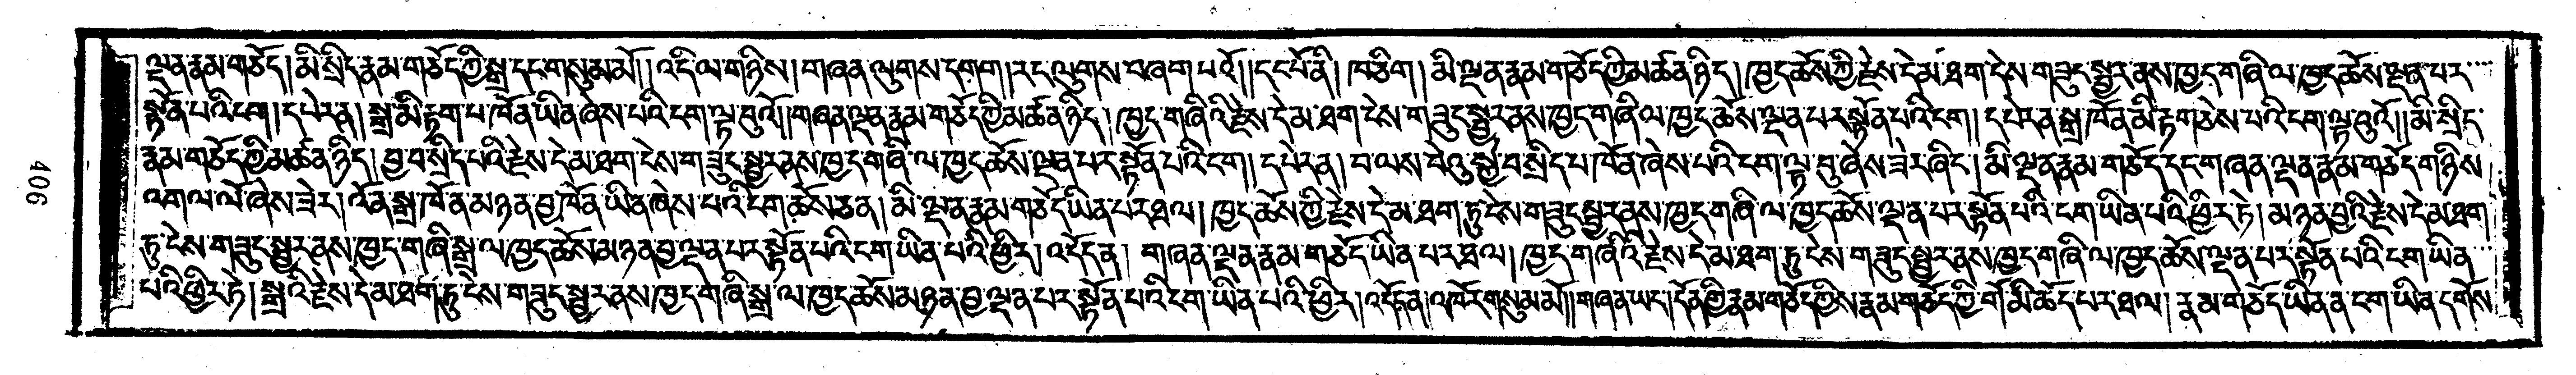ལྡན་རྣམ་གཅོད། མི་སྲིད་རྣམ་གཅོད་ཀྱི་སྒྲ་དང་གསུམ་མོ། །འདི་ལ་གཉིས། གཞན་ལུགས་དགག ། རང་ལུགས་བཞག་པའོ། །དང་པོ་ནི། ཁ་ཅིག །མི་ལྡན་རྣམ་གཅོད་ཀྱི་མཚན་ཉིད། ཁྱད་ཆོས་ཀྱི་རྗེས་དེ་མ་ཐག་ངེས་གཟུང་སྦྱར་ནས་ཁྱད་གཞི་ལ་ཁྱད་ཆོས་ལྡན་པར་
སྟོན་པའི་ངག །དཔེར་ན། སྒྲ་མི་རྟག་པ་ཁོ་ན་ཡིན་ཞེས་པའི་ངག་ལྟ་བུའོ། །གཞན་ལྡན་རྣམ་གཅོད་ཀྱི་མཚན་ཉིད། ཁྱད་གཞིའི་རྗེས་དེ་མ་ཐག་ངེས་གཟུང་སྦྱར་ནས་ཁྱད་གཞི་ལ་ཁྱད་ཆོས་ལྡན་པར་སྟོན་པའི་ངག །དཔེར་ན་སྒྲ་ཁོ་ན་མི་རྟག་ཅེས་པའི་ངག་ལྟ་བུའོ། །མི་སྲིད་
རྣམ་གཅོད་ཀྱི་མཚན་ཉིད། བྱ་བ་སྲིད་པའི་རྗེས་དེ་མ་ཐག་ངེས་གཟུང་སྦྱར་ནས་ཁྱད་གཞི་ལ་ཁྱད་ཆོས་ལྡན་པར་སྟོན་པའི་ངག །དཔེར་ན། བ་ལས་བེའུ་སྐྱེ་བ་སྲིད་པ་ཁོ་ན་ཞེས་པའི་ངག་ལྟ་བུ་ཞེས་ཟེར་ཞིང་། མི་ལྡན་རྣམ་གཅོད་དང་གཞན་ལྡན་རྣམ་གཅོད་གཉིས་
འགལ་ལོ་ཞེས་ཟེར། འོ་ན་སྒྲ་ཁོ་ན་མཉན་བྱ་ཁོ་ན་ཡིན་ཞེས་པའི་ངག་ཆོས་ཅན། མི་ལྡན་རྣམ་གཅོད་ཡིན་པར་ཐལ། ཁྱད་ཆོས་ཀྱི་རྗེས་དེ་མ་ཐག་ཏུ་ངེས་གཟུང་སྦྱར་ནས་ཁྱད་གཞི་ལ་ཁྱད་ཆོས་ལྡན་པར་སྟོན་པའི་ངག་ཡིན་པའི་ཕྱིར་ཏེ། མཉན་བྱའི་རྗེས་དེ་མ་ཐག་
ཏུ་ངེས་གཟུང་སྦྱར་ནས་ཁྱད་གཞི་ལ་ཁྱད་ཆོས་མཉན་བྱ་ལྡན་པར་སྟོན་པའི་ངག་ཡིན་པའི་ཕྱིར། འདོད་ན། གཞན་ལྡན་རྣམ་གཅོད་ཡིན་པར་ཐལ། ཁྱད་གཞིའི་རྗེས་དེ་མ་ཐག་ཏུ་ངེས་གཟུང་སྦྱར་ནས་ཁྱད་གཞི་ལ་ཁྱད་ཆོས་ལྡན་པར་སྟོན་པའི་ངག་ཡིན་
པའི་ཕྱིར་ཏེ། སྒྲའི་རྗེས་དེ་མ་ཐག་ཏུ་ངེས་གཟུང་སྦྱར་ནས་ཁྱད་གཞི་སྒྲ་ལ་ཁྱད་ཆོས་མཉན་བྱ་ལྡན་པར་སྟོན་པའི་ངག་ཡིན་པའི་ཕྱིར། འདོད་ན། འཁོར་གསུམ་མོ། །གཞན་ཡང་། དོན་གྱི་རྣམ་གཅོད་ཀྱིས་རྣམ་གཅོད་ཀྱི་གོ་མི་ཆོད་པར་ཐལ། རྣམ་གཅོད་ཡིན་ན་ངག་ཡིན་དགོས་